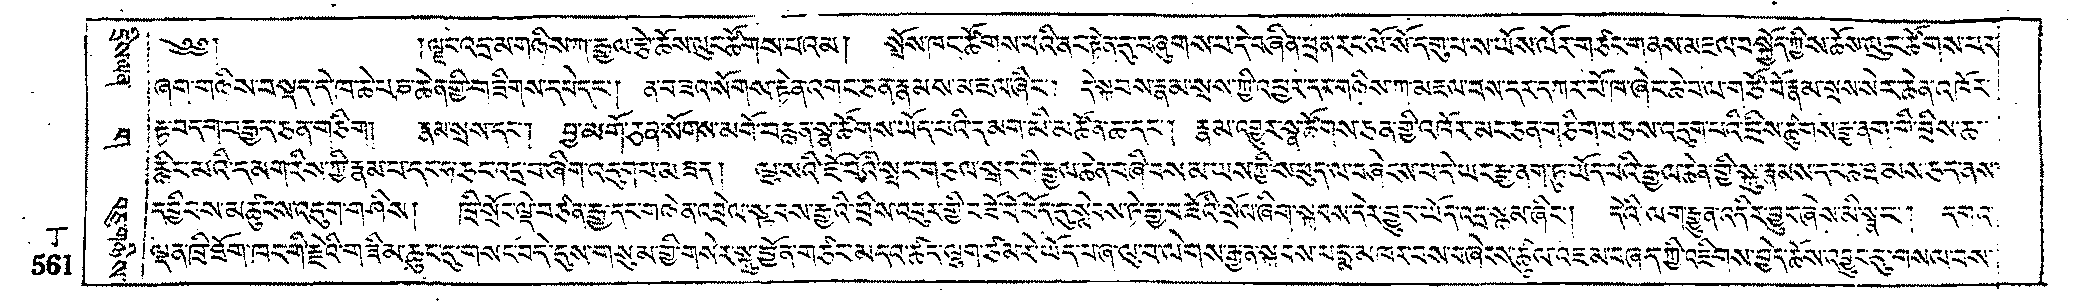༄༅། །ལྗང་འདྲ་མ་གཉིས་ཀ་རྒྱལ་རྩེ་ཆོས་ལུང་ཚོགས་པའམ། སྤོས་ཁང་ཚོགས་པའི་ནང་རྟེན་དུ་བཞུགས་པ་དེ་བཞིན་ཕྲན་རང་ལོ་སོ་དགུ་པ་ས་ཡོས་ལོར་གཙང་གནས་མཇལ་བསྐྱོད་ཀྱིས་ཆོས་ལུང་ཚོགས་པར་
ཞག་གཉིས་བསྡད་དེ་ཁ་ཆེ་པཎ་ཆེན་གྱི་གཟིགས་དཔེ་དང་། ན་བཟའ་སོགས་རྟེན་འགང་ཅན་རྣམས་མཇལ་ཞིང་། དེ་སྐབས་རྣམ་སྲས་ཀྱི་འཕྱར་དར་གཉིས་ཀ་མཇལ་བས་དར་དཀར་པོ་ཁ་ཞེང་ཆེ་བ་ལ་གཙོ་བོ་རྣམ་སྲས་སེར་ཆེན་འཁོར་
རྟ་བདག་བརྒྱད་ཅན་གཅིག། རྣམ་སྲས་དང་། བྱ་མགོ་ཅན་སོགས་མགོ་བརྙན་སྣ་ཚོགས་ཡོད་པའི་དམག་མི་མཚོན་ཆ་དང་། རྣམ་འགྱུར་སྣ་ཚོགས་ཅན་གྱི་འཁོར་མང་ཅན་གཅིག་བཅས་འདུག་པའི་བྲིས་ཚུགས་རྒྱ་ནག་གི་བྲིས་ཆ་་་
རྙིང་མའི་དམག་རིས་ཀྱི་རྣམ་པ་དང་ཧ་ཅང་འདྲ་བ་ཞིག་འདུག་པ་མ་ཟད། ལྷ་སའི་ཇོ་བོའི་སྤང་གཅལ་སྒང་གི་རྒྱལ་ཆེན་བཞི་བསམ་ཡས་ཀྱི་ས་ཕུད་ལ་བཞེངས་པ་དེ་ཡང་རྒྱ་ནག་ཏུ་ཡོད་པའི་རྒྱལ་ཆེན་གྱི་སྐུ་རྣམས་དང་ཆ་ཐམས་ཅད་ནས་
དབྱིབས་མཚུངས་འདུག་གཤིས། ཁྲི་སྲོང་ལྡེ་བཙན་རྒྱ་དང་གཉེན་འབྲེལ་སྟབས་རྒྱའི་བྲིས་འབུར་གྱི་བཟོ་བོ་བོད་དུ་སླེབས་ཏེ་རྒྱ་བཟོའི་སྲོལ་ཞིག་སྐབས་དེར་བྱུང་ཡོད་འདྲ་སྙམ་ཞིང་། དེའི་ལག་རྒྱུན་འདིར་བྱུང་ཞེས་མི་སྣང་། དགའ་
ལྡན་ཁྲི་ཐོག་ཁང་གི་རྗེའི་གཟིམ་ཆུང་དུ་གསང་བདེ་དུས་གསུམ་གྱི་གསེར་སྐུ་བྱོན་གཙང་མདའ་ཚད་ལྷག་ཙམ་རེ་ཡོད་པ་ཞ་ལུ་བ་ལེགས་རྒྱན་སྐབས་པདམ་མཁར་བས་བཞེངས་ཚུལ་འཇམ་བཞད་ཀྱི་འཇིགས་བྱེད་ཆོས་འབྱུང་དུ་གསལ་བས་